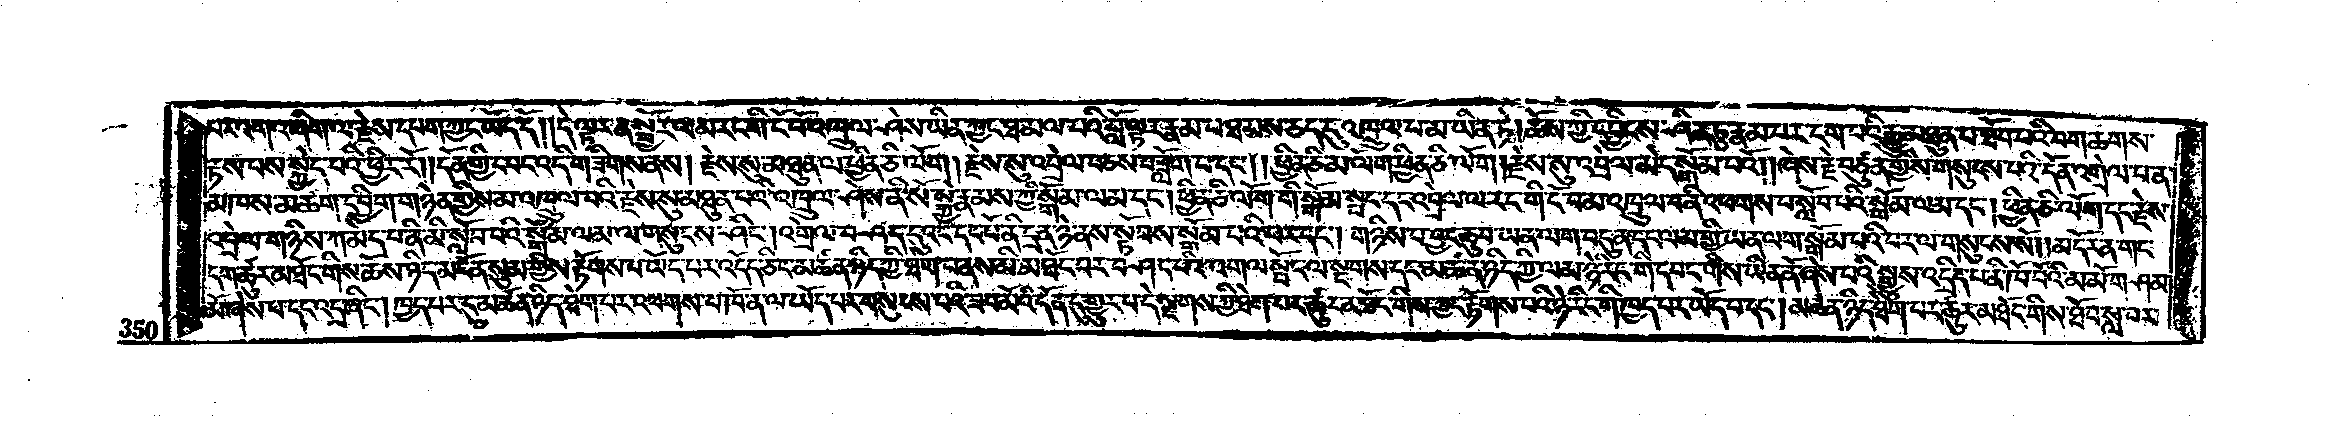པར་འགའ་ཞིག་ལ་རྗེས་དཔག་ཀྱང་ཡོད་དོ། །དེ་ལྟར་ན་སྦྱོར་ལམ་རང་གི་ངོ་བོ་འཁྲུལ་ཤེས་ཡིན་ཀྱང་ཐ་མལ་པའི་བློ་ལྟར་རྣམ་པ་ཐམས་ཅད་དུ་འཁྲུལ་པ་མ་ཡིན་ཏེ། ཆོས་ཀྱི་དབྱིངས་ཤིན་ཏུ་རྣམ་པར་དག་པའི་རྒྱུ་མཐུན་པ་ཐོབ་པའི་བག་ཆགས་
རྟས་པས་སྐྱེད་པའི་ཕྱིར་རོ། །དོན་གྱི་དབང་འདི་གཟིགས་ནས། རྗེས་སུ་མཐུན་ལ་ཕྱིན་ཅི་ལོག །རྗེས་སུ་འབྲེལ་བཅས་བཟློག་པ་དང་། ཕྱིན་ཅི་མ་ལོག་ཕྱིན་ཅི་ལོག །རྗེས་སུ་འབྲེལ་མེད་སྒོམ་པའོ། །ཞེས་རྗེ་བཙུན་གྱིས་གསུངས་པའི་དོན་འགྲེལ་བ་ན་
མཁས་མཆོག་དབྱིག་གཉེན་གྱིས་མ་འཁྲུལ་བའི་རྗེས་སུ་མཐུན་པའི་འཁྲུལ་ཤེས་ནི་སོ་སྐྱེ་རྣམས་ཀྱི་སྒོམ་ལམ་དང་། ཕྱིན་ཅི་ལོག་གི་སྒོམ་སྤང་དང་འབྲེལ་ལ་རང་གི་ངོ་བོ་མ་འཁྲུལ་བ་ནི་འཕགས་པ་སློབ་པའི་སྒོམ་ལམ་དང་། ཕྱིན་ཅི་ལོག་དང་རྗེས་
འབྲེལ་གཉིས་ཀ་མེད་པ་ནི་མི་སློབ་པའི་སྒོམ་ལམ་ལ་གསུངས་ཤིང་། འགྲེལ་བཤད་དུའང་དང་པོ་ནི་དྲན་ཉེ་ནས་སྟོབས་སྒོམ་པའི་བར་དང་། གཉིས་པ་བྱང་ཆུབ་ཡན་ལག་བདུན་དང་ལམ་གྱི་ཡན་ལག་སྒོམ་པའི་བར་ལ་གསུངས་སོ། །མདོར་ན་གང་
དག་ཚུར་མཐོང་གིས་ཆོས་ཉིད་མངོན་སུམ་གྱིས་རྟོགས་པ་ཡོད་པར་འདོད་ཅིང་མཚན་ཉིད་ཀྱི་ཐེག་པ་ནས་མི་མཐོང་བར་བཤད་པའི་འགལ་སྤོང་ལ་སྔགས་དང་མཚན་ཉིད་ཀྱི་ལམ་ཉེ་རིང་གི་དབང་གིས་ཡིན་ནོ་ཞེས་པའི་སྒྱུས་འདྲིད་པ་ནི་ཁོ་བོའི་མ་མོ་གཤམ་
མོ་ཞེས་པ་དང་འདྲ་ཞིང་། ཁྱད་པར་དུ་མཚན་ཉིད་ཐོག་པར་འཕགས་པ་ཁོ་ན་ལ་ཡོད་པར་གསུངས་པའི་ཟབ་མོའི་དོན་དུ་གྱུར་པ་དེ་སྔགས་ཀྱི་ཐེག་པར་ཚུར་མཐོང་གིས་ཀྱང་རྟོགས་པའི་ཉེ་རིང་གི་ཁྱད་པར་ཡོད་པ་དང་། མཚན་ཉིད་ཐེག་པར་ཚུར་མཐོང་གིས་ཐོབ་སླ་བར་